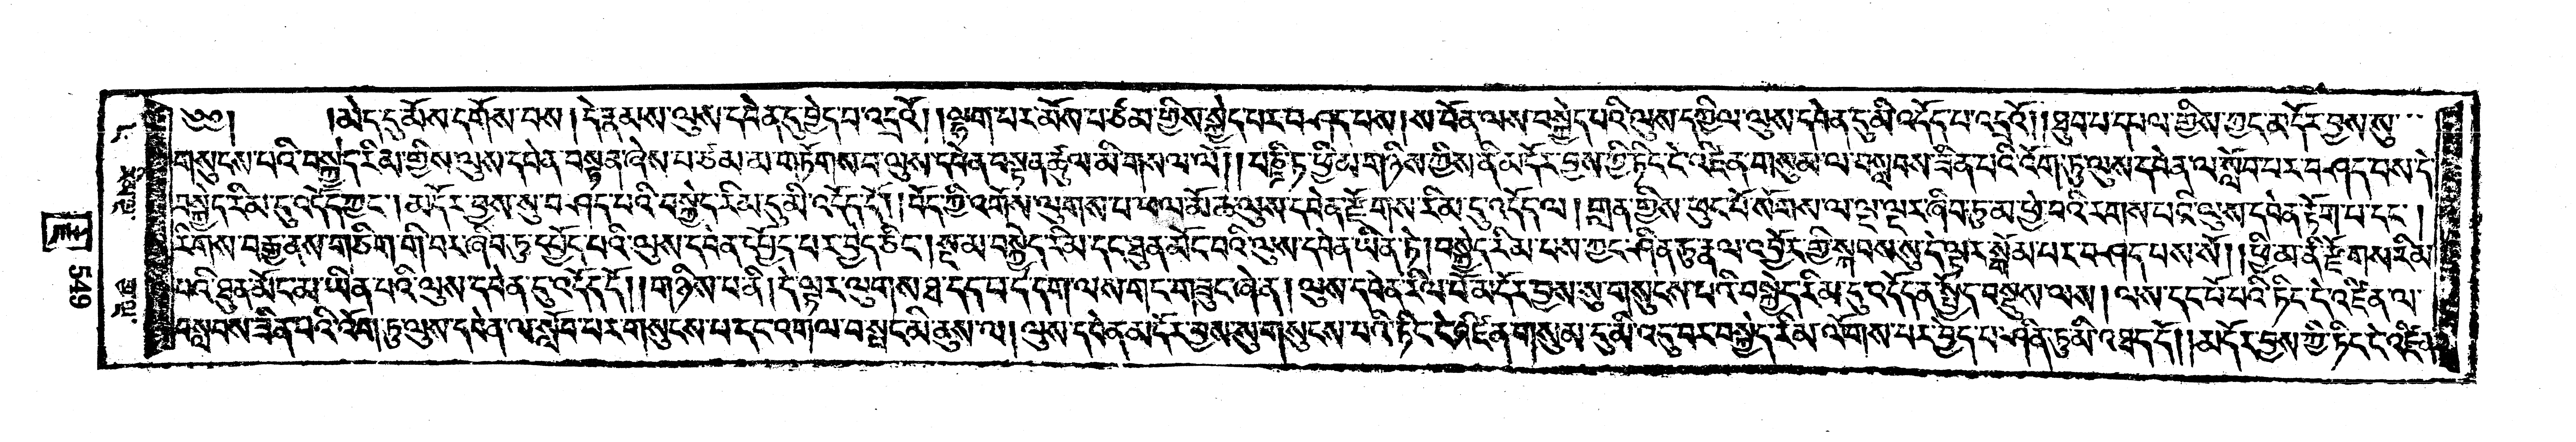༄༅། །མེད་དུ་མོས་དགོས་པས། དེ་རྣམས་ལུས་དབེན་དུ་བྱེད་པ་འདྲའོ། །ལྷག་པར་མོས་པ་ཙམ་གྱིས་སྐྱེད་པར་བཤད་པས། ས་བོན་ལས་བསྐྱེད་པའི་ལུས་དཀྱིལ་ལུས་དབེན་དུ་མི་འདོད་པ་འདྲའོ། །ཐུབ་པ་དཔལ་གྱིས་ཀྱང་མདོར་བྱས་སུ་
གསུངས་པའི་བསྐྱེད་རིམ་གྱིས་ལུས་དབེན་བསྟན་ཞེས་པ་ཙམ་མ་གཏོགས་པ་ལུས་དབེན་བསྟན་ཚུལ་མི་གསལ་ལོ། །པཎྜི་ཏ་ཕྱི་མ་གཉིས་ཀྱིས་ནི་མདོར་བྱས་ཀྱི་ཏིང་ངེ་འཛིན་གསུམ་ལ་བསླབ་ཟིན་པའི་འོག་ཏུ་ལུས་དབེན་ལ་སློབ་པར་བཤད་པས་དེ་
བསྐྱེད་རིམ་དུ་འདོད་ཀྱང་།མདོར་བྱས་སུ་བཤད་པའི་བསྐྱེད་རིམ་དུ་མི་འདོད་དོ། །བོད་ཀྱི་འགོས་ལུགས་པ་ཕལ་མོ་ཆེ་ལུས་དབེན་རྫོགས་རིམ་དུ་འདོད་ལ། གླན་གྱིས་ཕུང་པོ་སོགས་ལ་ལྔ་ལྔར་ཞིབ་ཏུ་མ་ཕྱེ་བའི་རགས་པའི་ལུས་དབེན་རྟོག་པ་དང་།
རིགས་བརྒྱ་ནས་གཅིག་གི་བར་ཞིབ་ཏུ་དཔྱོད་པའི་ལུས་དབེན་དཔྱོད་པར་བྱེད་ཅིང་། སྔ་མ་བསྐྱེད་རིམ་དང་ཐུན་མོང་བའི་ལུས་དབེན་ཡིན་ཏེ། བསྐྱེད་རིམ་པས་ཀྱང་ཤིན་ཏུ་རྣལ་འབྱོར་གྱི་སྐབས་སུ་དེ་ལྟར་སྒོམ་པར་བཤད་པས་སོ། །ཕྱི་མ་ནི་རྫོགས་རིམ་
པའི་ཐུན་མོང་མ་ཡིན་པའི་ལུས་དབེན་དུ་འདོད་དོ། །གཉིས་པ་ནི། དེ་ལྟར་ལུགས་ཐ་དད་པ་དེ་དག་ལས་གང་གཟུང་ཞེ་ན། ལུས་དབེན་རིལ་པོ་མདོར་བྱས་སུ་གསུངས་པའི་བསྐྱེད་རིམ་དུ་འདོད་ན་སྤྱོད་བསྡུས་ལས། ལས་དང་པོ་བའི་ཏིང་ངེ་འཛིན་ལ་
བསླབས་ཟིན་པའི་འོག་ཏུ་ལུས་དབེན་ལ་སློབ་པར་གསུངས་པ་དང་འགལ་བ་སྤང་མི་ནུས་ལ། ལུས་དབེན་མདོར་བྱས་སུ་གསུངས་པའི་ཏིང་ངེ་འཛིན་གསུམ་དུ་མི་འདུ་བར་བསྐྱེད་རིམ་ལོགས་པར་བྱེད་པ་ཤིན་ཏུ་མི་འཐད་དོ། །མདོར་བྱས་ཀྱི་ཏིང་ངེ་འཛིན་